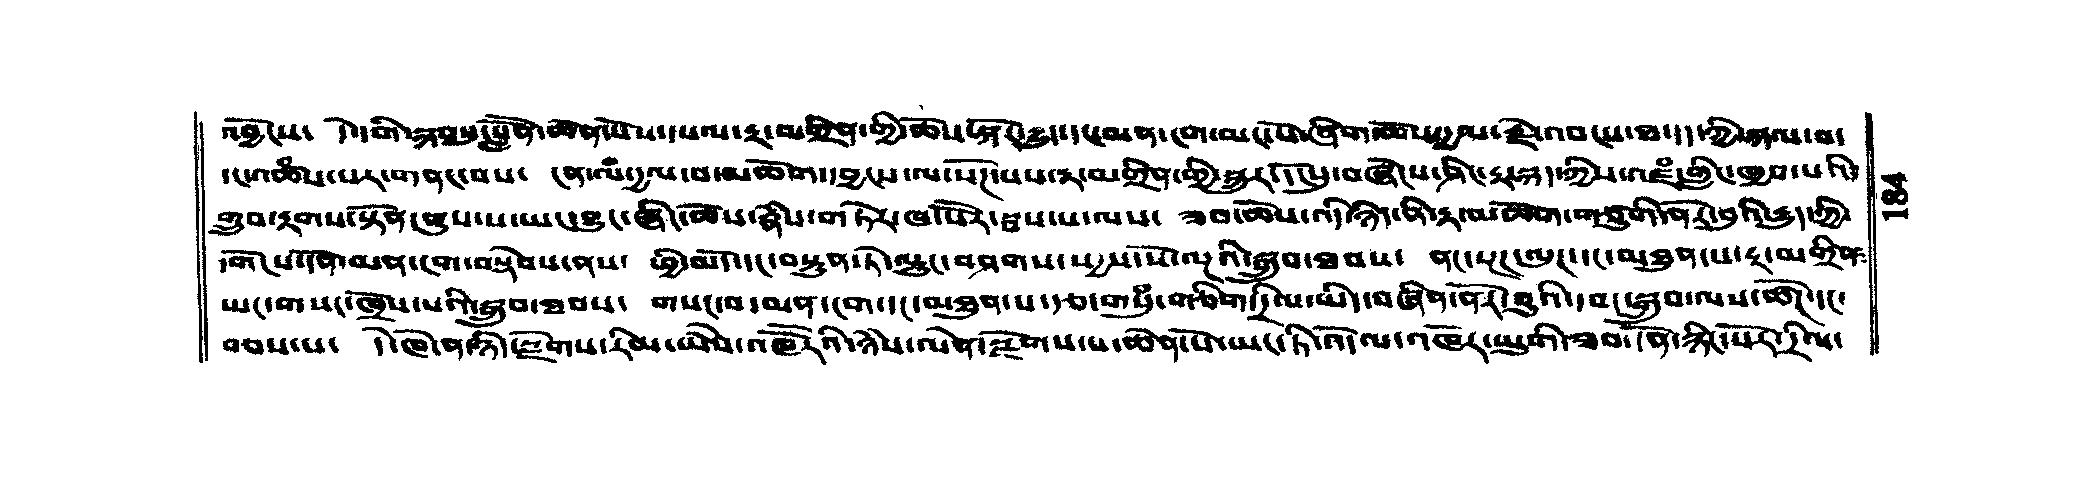འབྱོངས། དེ་དག་གི་སྐབས་སུ་སློབ་དཔོན་ཆེན་པོས་དཔལ་རྟ་མགྲིན་གྱི་ཆོས་སྐོར་རྒྱུད་དང་མན་ངག་མང་པོ་ཞིག་ཆོས་རྒྱལ་རྗེ་འབངས་ཐ་དད་ཀྱི་སྐལ་བ་
དང་འཚམས་པར་གནང་བས། ངན་ལམ་རྒྱལ་བ་མཆོག་དབྱངས་ལ་སོགས་པས་རྟ་མགྲིན་གྱི་སྐུར་དངོས་སུ་བཞེངས་ཤིང་རྟ་སྐད་ཀྱིས་འཛམ་གླིང་ཁྱབ་པའི་
གྲུབ་རྟགས་སྟོན་ནུས་པ་ཡང་བྱུང་ཞིང་ཆོས་རྣམས་གཏེར་ཁ་སོ་སོར་སྦས་པ་ལས། ཟབ་ཆོས་འདི་ཉིད་ནི་རྟ་མཆོག་གཙུག་གི་ནོར་བུའི་རྒྱུད་ཀྱི་
དགོངས་དོན་མན་ངག་བསྡེབས་ནས། ཕྱི་མདོ་དང་བསྟུན་ཏེ་ལྟུང་བཤགས་སངས་རྒྱས་སོ་ལྔའི་སྒྲུབ་ཐབས། ནང་སྔགས་ལུགས་དང་མཐུན་པ་རྟ་མགྲིན་
ཡང་གསང་ཁྲོས་པའི་སྒྲུབ་ཐབས། གསང་བ་མན་ངག་དང་མཐུན་པ་རྩ་གསུམ་གཅིག་དྲིལ་ཡིད་བཞིན་ནོར་བུའི་དབང་སྒྲུབ་ལས་ཚོགས་དང་
བཅས་པ། དེ་ཁོ་ན་ཉིད་རྫོགས་རིམ་ཡེ་ཤེས་འཁོར་ལོའི་ཉམས་ལེན་རྫོགས་པ་ཆེན་པོ་ཡང་རི་འོད་གསལ་འཁོར་ཡུག་གི་ཟབ་དོན་སྙིང་པོར་དྲིལ་